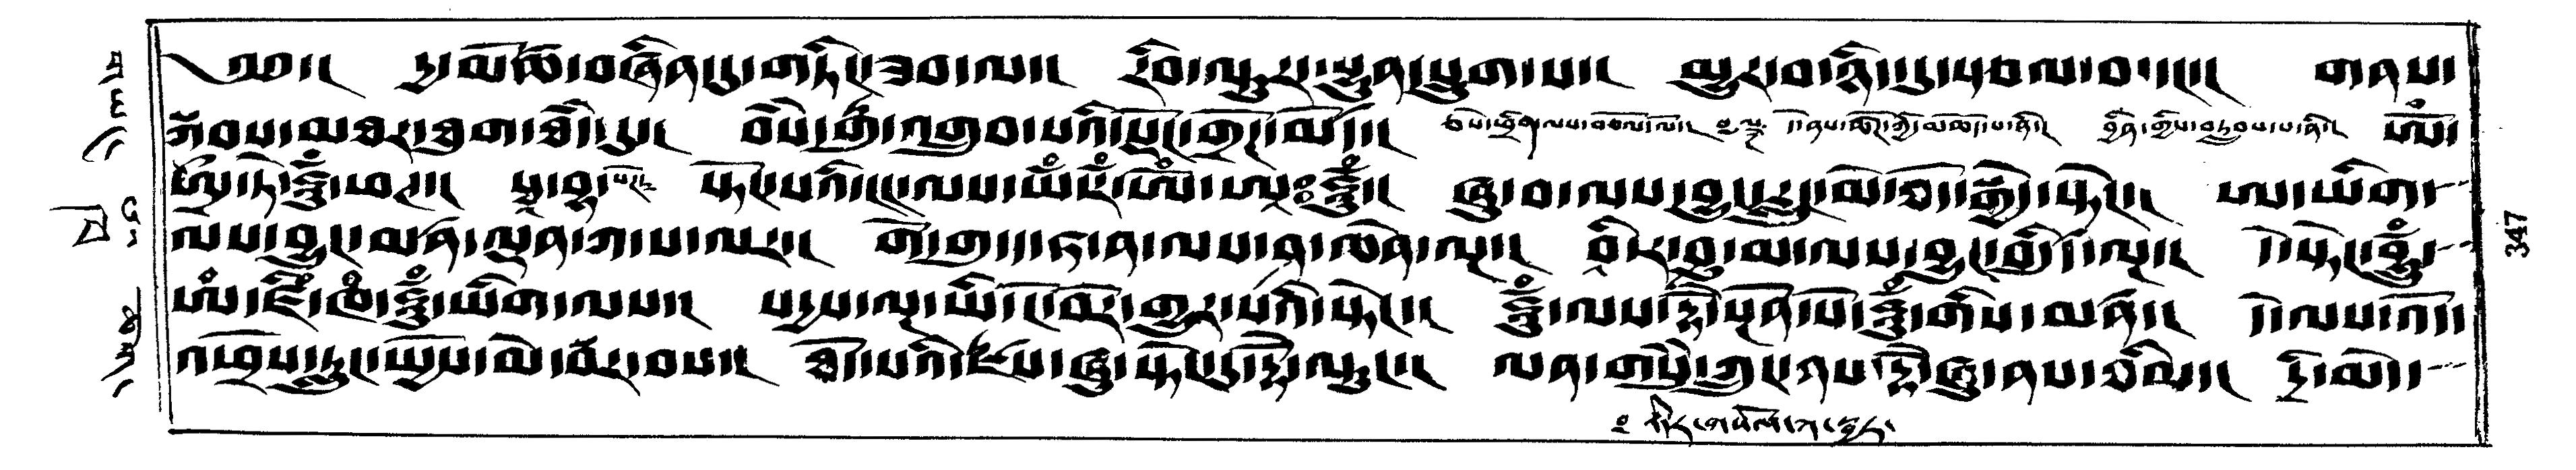།རྒྱ་མཚོ་བཞིན་དུ་གཏིང་ཟབ་ལ། །རི་རབ་ལྟ་བུར་ལྷུན་སྡུག་པ། །མྱུར་བ་ཉིད་དུ་བསྩལ་བ་དང་། །གནས་
སྐབས་མཐར་ཐུག་ཐམས་ཅད་དུ། །བསམ་རྒུ་འགྲུབ་པའི་སྡོང་གྲོགས་མཛོད། ། ཅེས་ཕྲིན་ལས་བཅོལ་ལོ། ༈ དེ་ནས་ཚོགས་ཀྱི་མཆོད་པ་བྱིན་གྱིས་བརླབས་པ་ནི། ཨོཾ་
ཨ་མྲྀ་ཏེ་ཧཱུྃ་ཕཊ། སྭ་བྷ་སོགས། སྟོང་པའི་ངང་ལས་ཡྃ་རྃ་ཨོཾ་ཨཱཿཧཱུྃ། །ཞུ་བ་ལས་བྱུང་རླུང་མེ་ཐོད་སྐྱེད་སྟེང་། །ཨ་ཡིག་
ལས་བྱུང་མཚན་ལྡན་ཀ་པ་ལར། །གོ་ཀུ་ད་ཧ་ན་ལས་ཤ་ཆེན་ལྔ་། བཱི་ར་ཤུ་མ་ལས་བྱུང་བདུད་རྩི་ལྔ་། དེ་སྟེང་བྷྲུྃ་
ཨཾ་ཛིཾ་ཁཾ་ཧཱུྃ་ཡིག་ལས། །སངས་རྒྱས་ལྔ་ཡི་ངོ་བོར་གྱུར་པའི་སྟེང་། །ཧཱུྃ་ལས་རྡོ་རྗེ་སྔོན་པོ་ཧཱུྃ་གིས་མཚན། །དེ་ལས་འོད་
འཕྲོས་རླུང་གཡོས་མེ་འབར་བས། །ཐོད་པའི་རྫས་ཞུ་སྟེང་དུ་རྡོ་རྗེ་ལྷུང་། །ལན་གསུམ་དཀྲུགས་པས་རྡོ་རྗེ་ཞུ་ནས་ཐིམ། །དྲི་མེད་